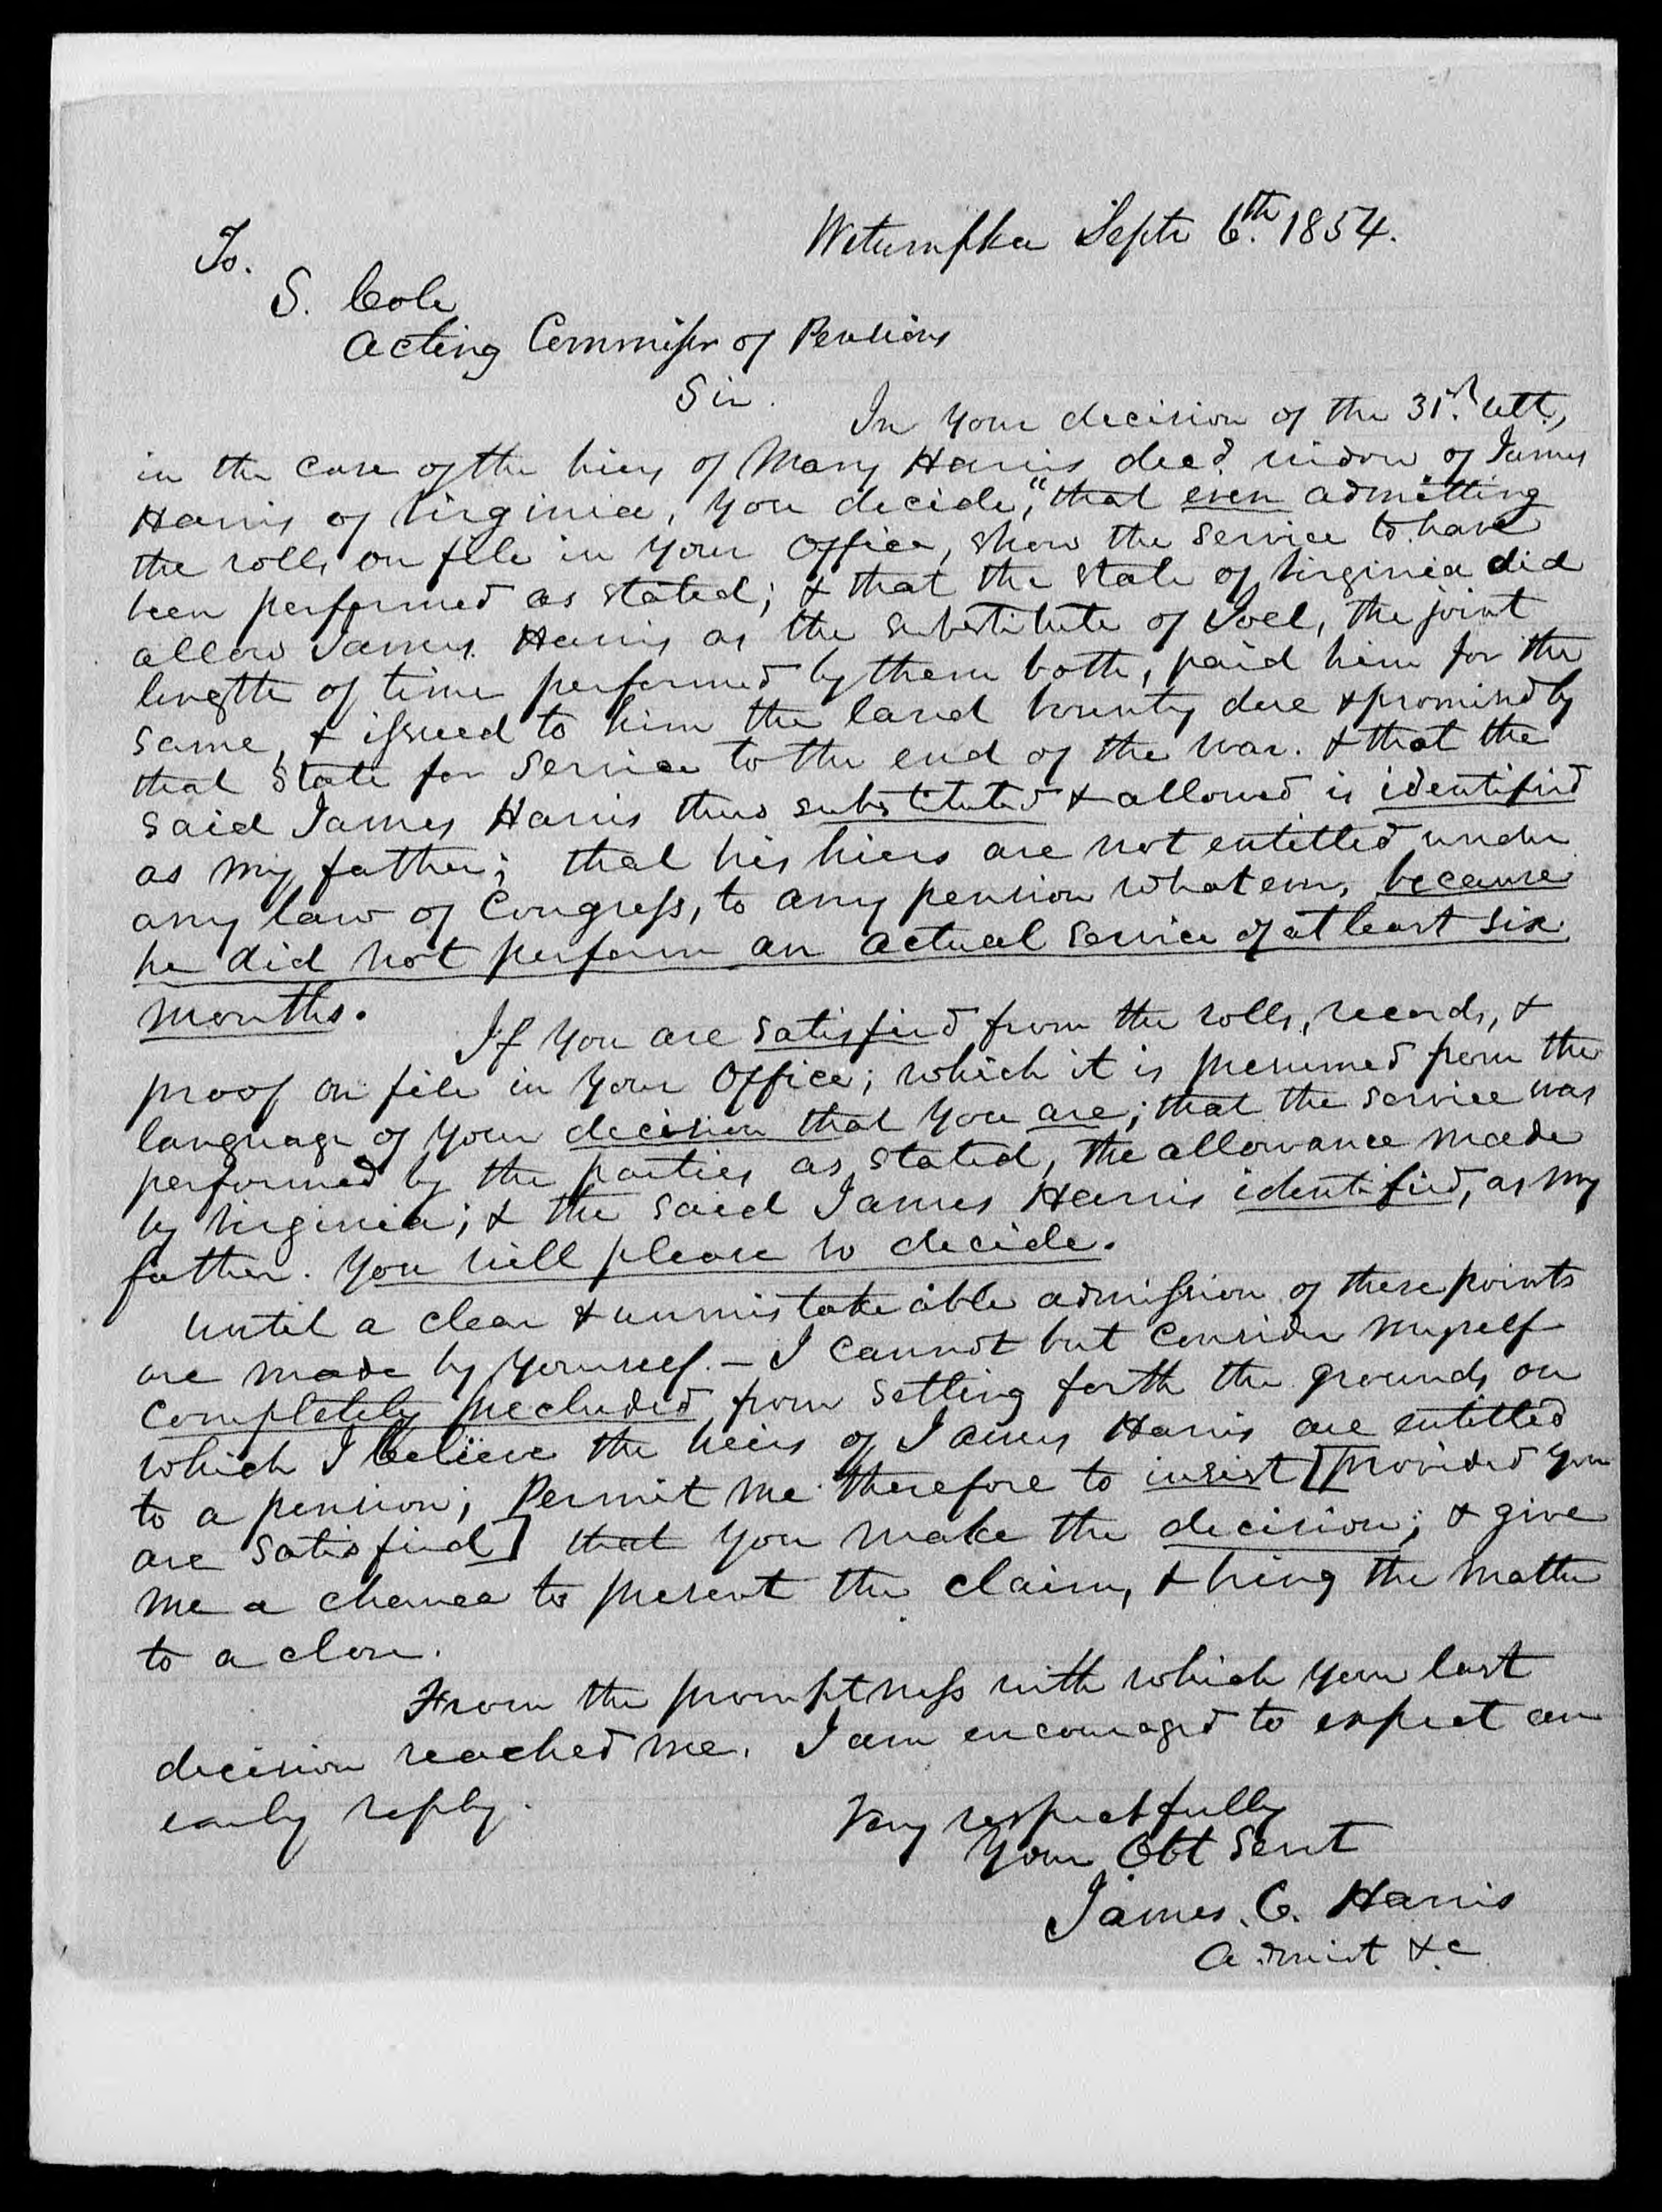Wetumpka Septr 6th 1854

To.
S. Cole
Acting Commissr of Pensions
Sir.
In your decision of the 31st ult, in the case of the hiers [sic] of Mary Harris decd widow of James Harris of Virginia, you decided, "that even admitting the rolls on file in your office, show the service to have been performed as stated, & that the state of Virginia did allow James Harris as the substitute of Joel, the joint length of time performed by them both, paid him for the same, & issued to him the land bounty due & promised by that State for service to the end of the war, & that the said James Harris thus substituted & allowed is identified as my father; that his hiers [sic] are not entitled under any law of Congress, to any pension whatever, because he did not perform an actual service of at least six months.
If you are satisfied from the rolls, record, & proof on file in your office, which it is presumed from the language of your decision that you are, that the service was performed by the parties as stated, the allowance made by Virginia, & the said James Harris identified as my father.  You will please to decide.
Until a clear & unmistakable admission of these points are made by yourself--I cannot but consider myself completely precluded from setting forth the grounds on which I believe the heirs of James Harris are entitled to a pension, Permit me therefore to insist (provided you are satisfied) that you make the decision, & give me a chance to present the claim, & bring the matter to a close.
From the promptness with which your last decision reached me, I am encouraged to expect an early reply.
Very respectfully
Your Obt Servt
James C. Harris
Admint &c.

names: Joel, S Cole, James Harris, James Harris, Mary Harris, James Harris, James Harris, James Harris, James C Harris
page: 137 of 160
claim: rejected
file: R. 4666, James Harris, Va.